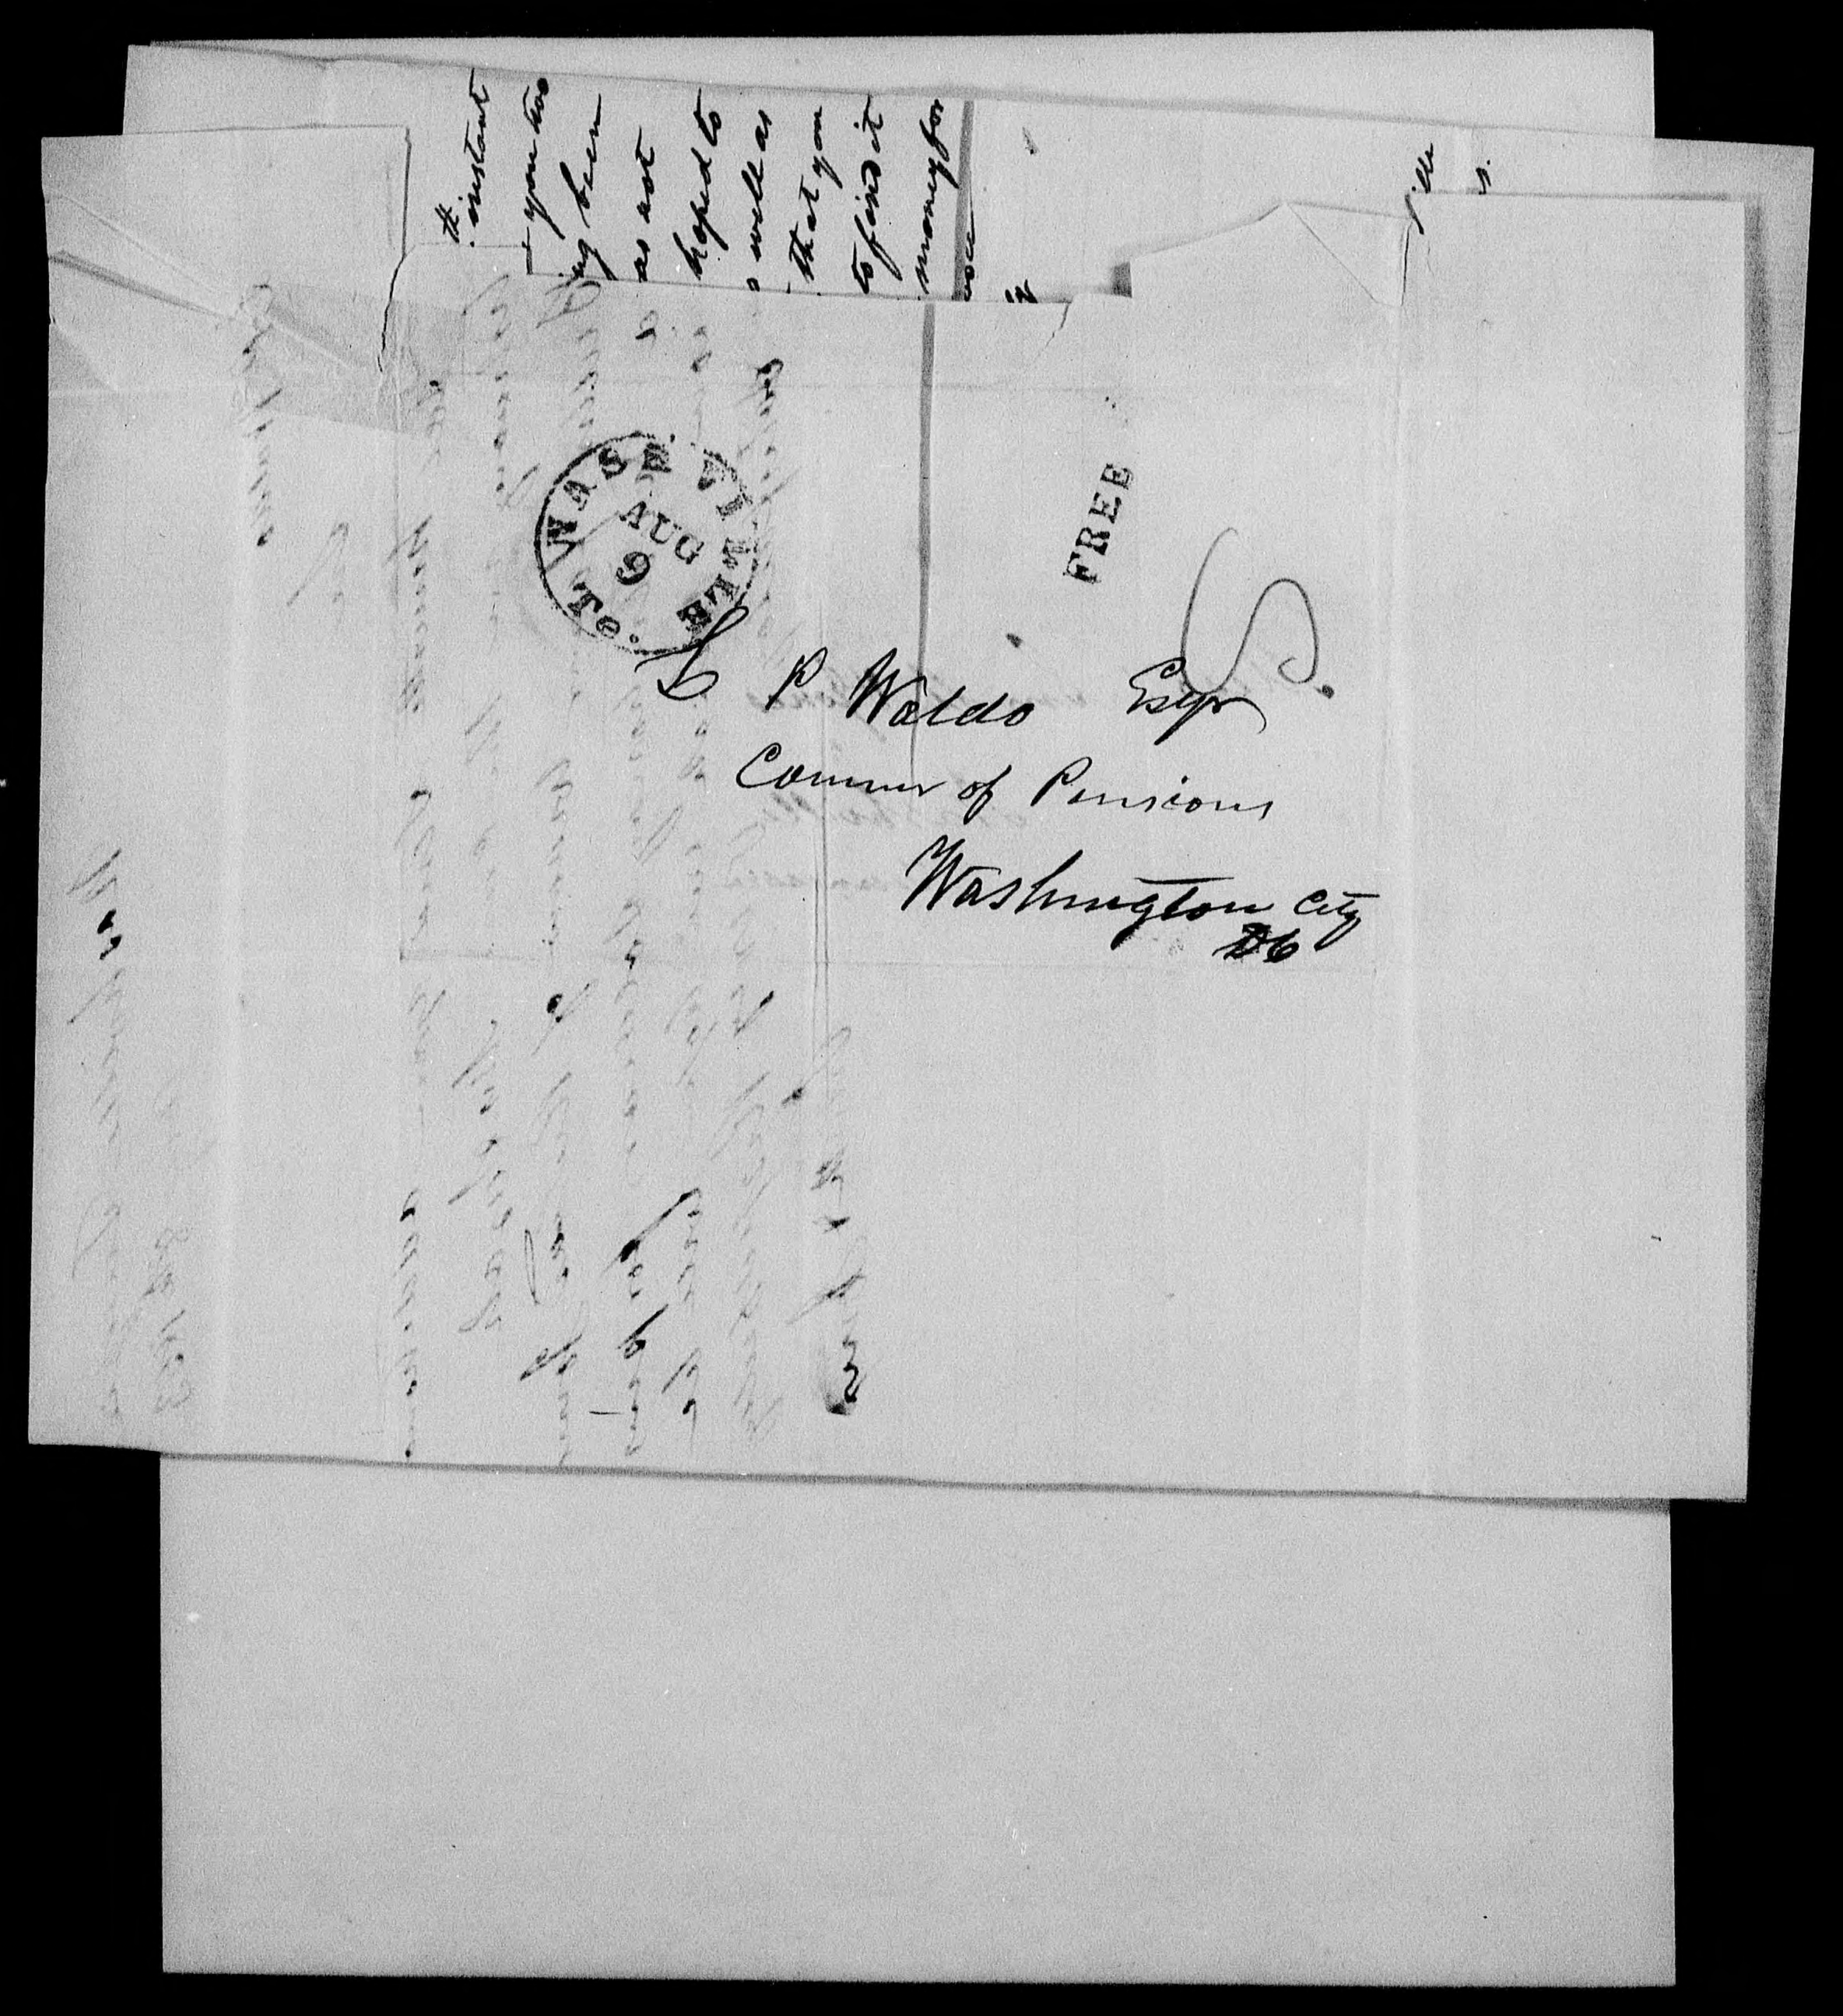[post mark]
NASHVILLE
AUG 
9
Te.

FREE

L P Waldo Esqr
Commr of Pensions
Washington City
D.C.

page: 29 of 33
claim: rejected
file: R. 1554, for Richard Jones, North Carolina